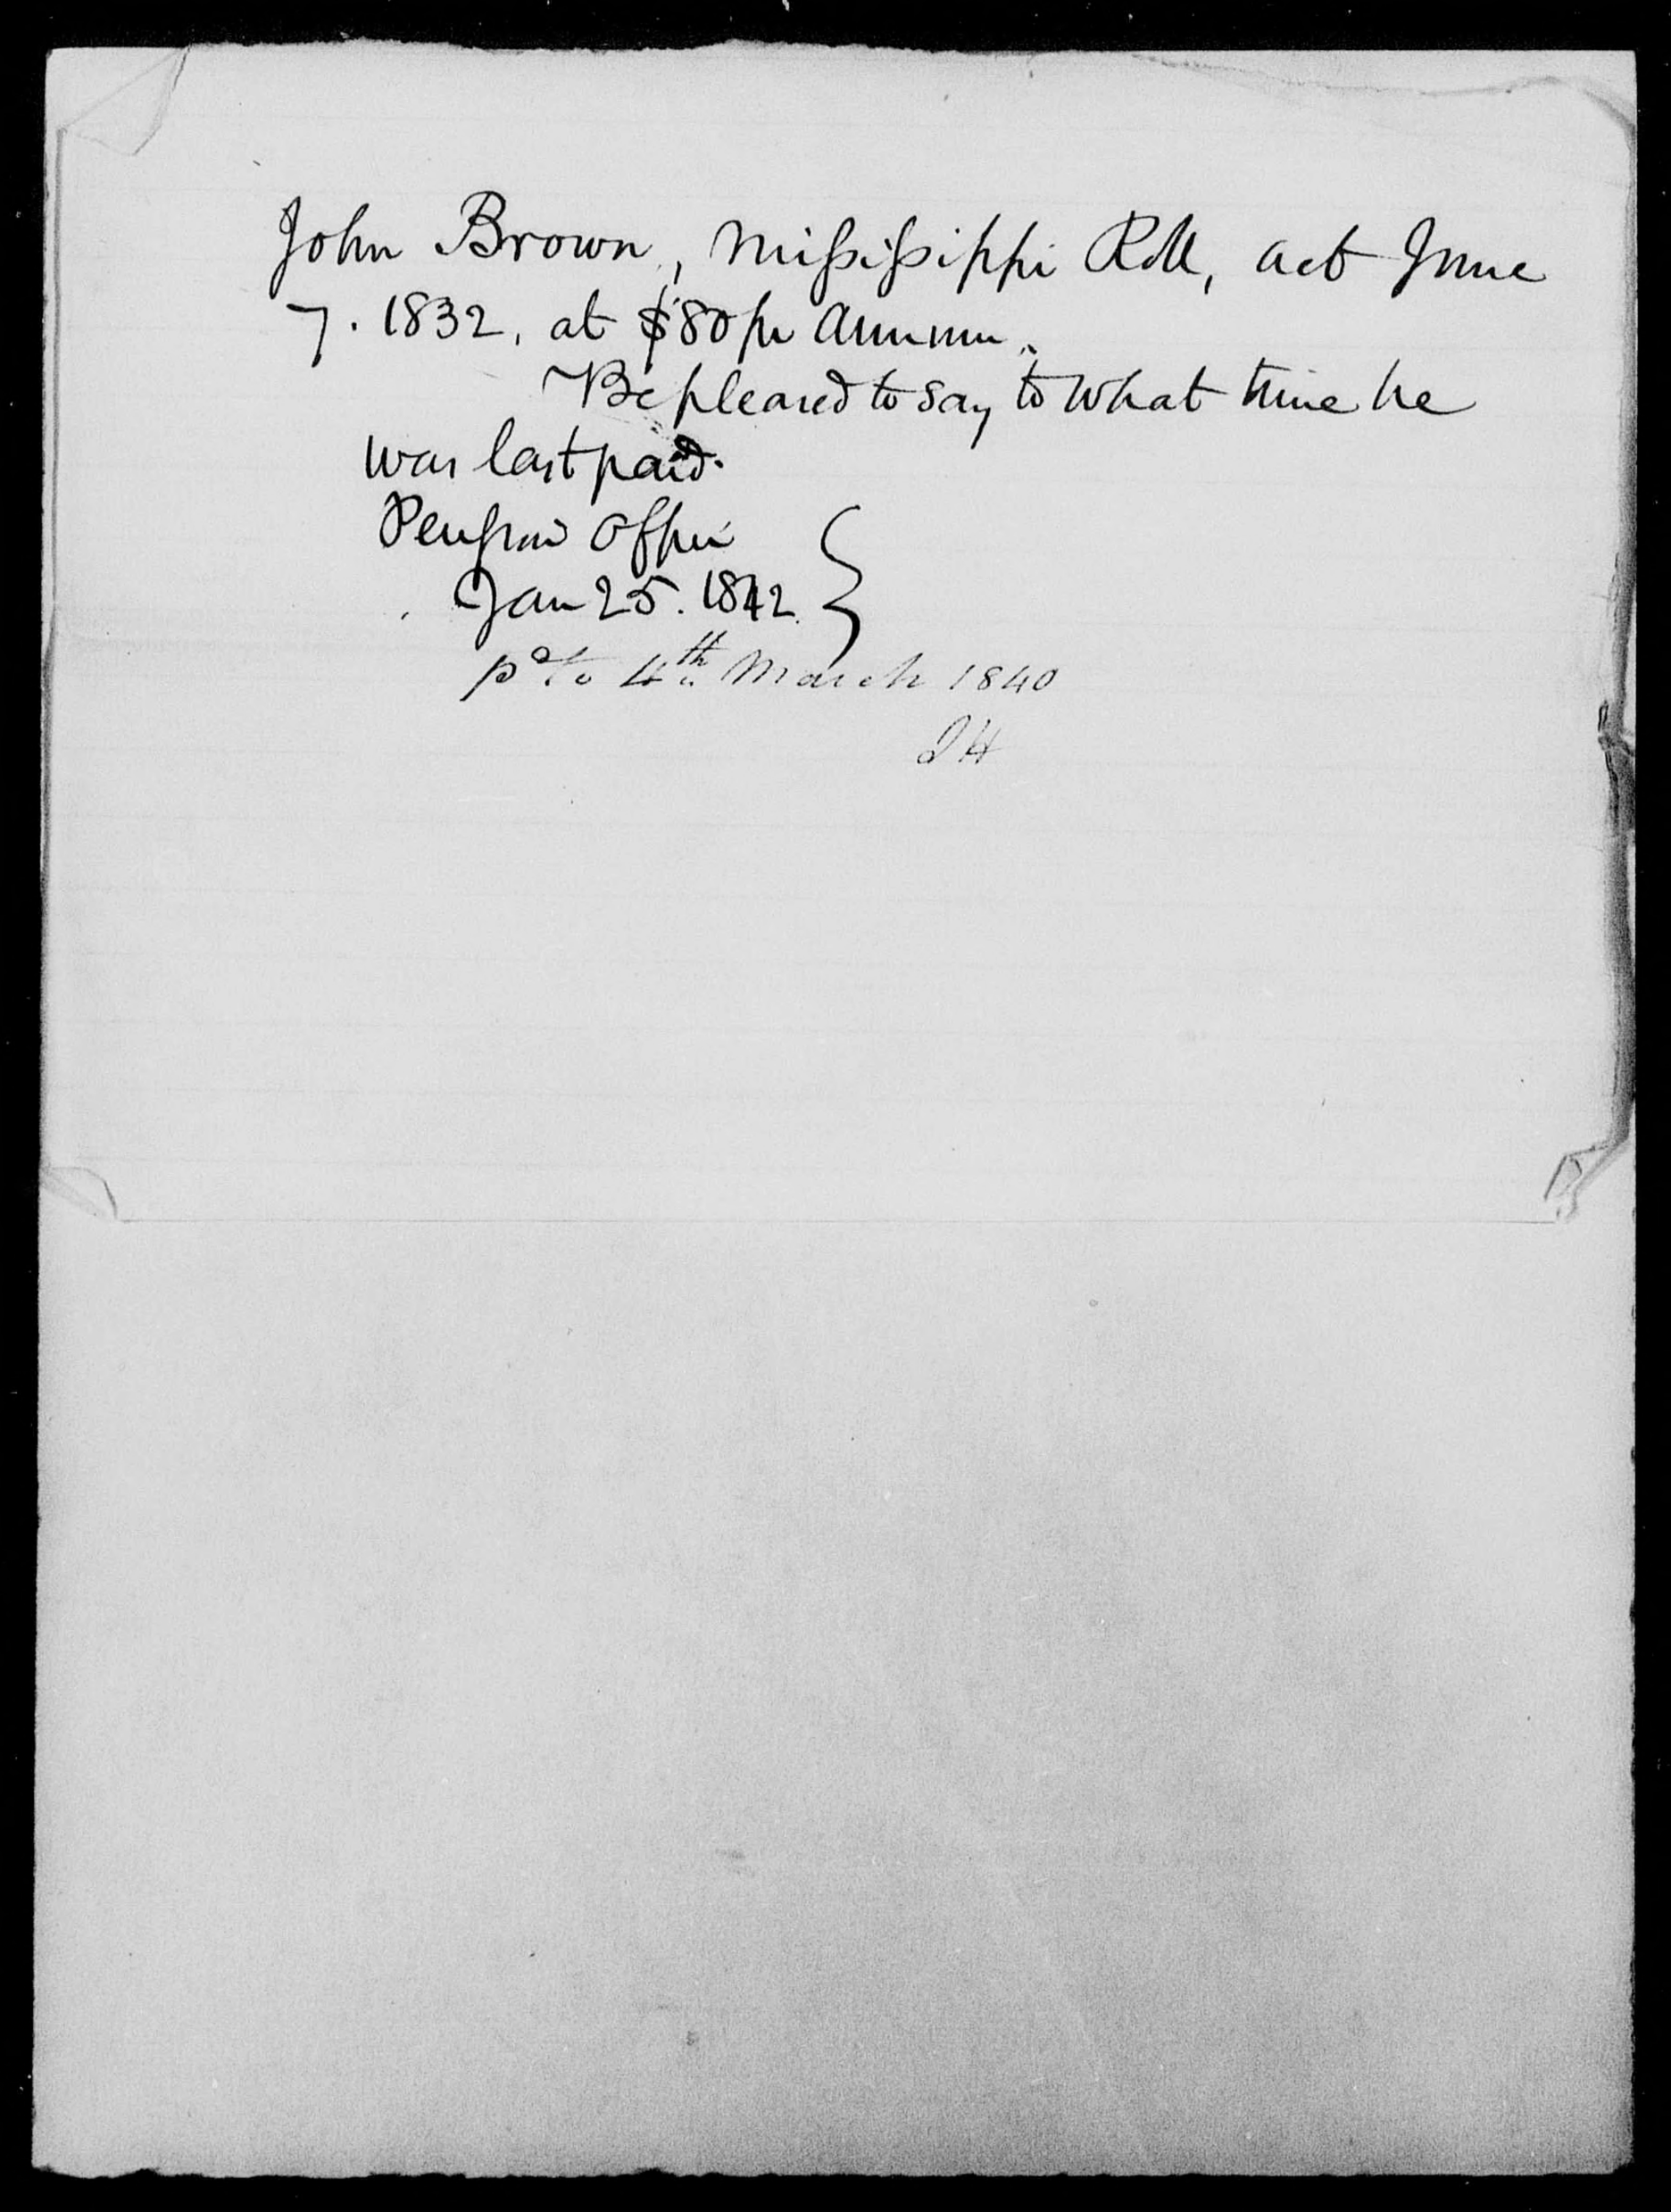John Brown, Mississippi Roll, act June 7, 1832, at $80 per Annum.
Be pleased to say to what time he was last paid.
Pension Office
Jan 25. 1842.
p to 4th March 1840
JH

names: John Brown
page: 71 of 85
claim: widow's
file: W. 5,906, John Brown, S.C.